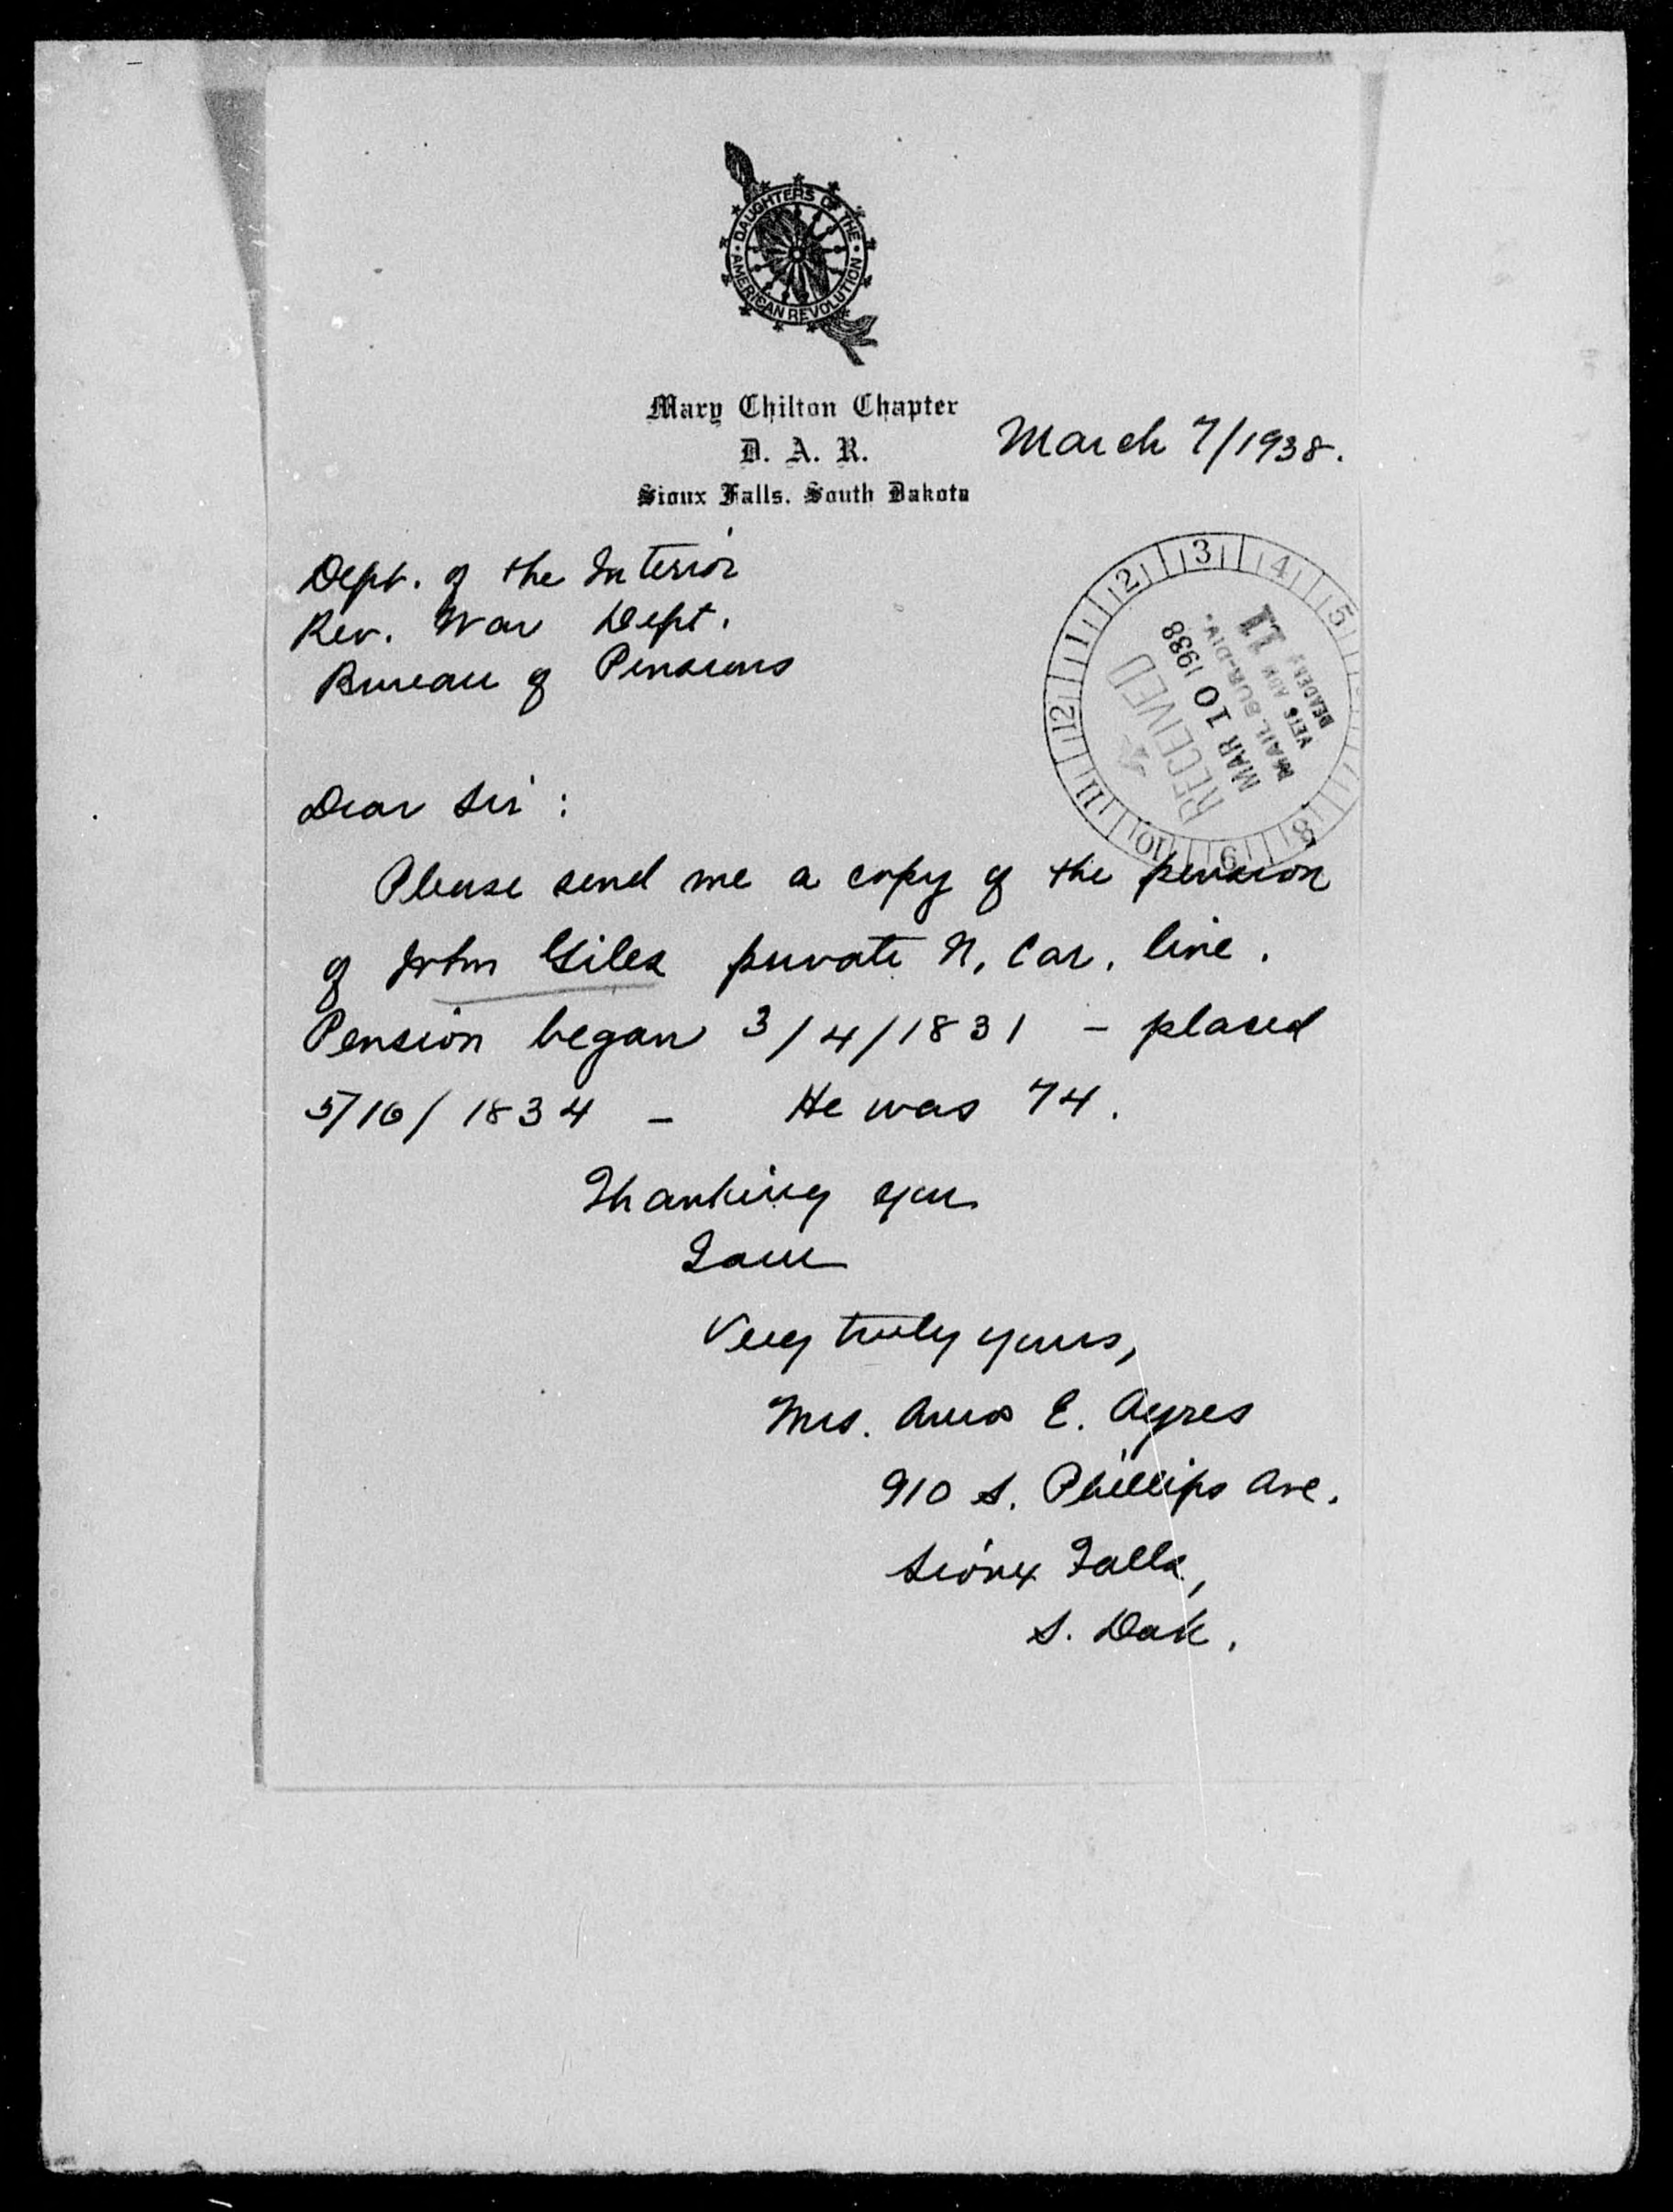Letterhead  stamp -  
Daughters of the American Revolution on circle over American Flag

Mary Chilton Chapter
D.A.R.
Sioux Falls, South Dakota
March 7/1938.

Dept. of the Interior
Rev. War Dept.
Bureau of Pensions
Dear Sir:
Please send me a copy of the pension of
John Giles private  N. Car line.
Pension began 3/4/1831 - ceased
5/16/1834 - He was 74.
Thanking you
I am
Very truly yours
Mrs. Amos E. Ayres
910 S. Phillips Ave.
Sioux Falls,
S. Dak.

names: Amos E Ayres, Mary Chilton, John Giles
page: 76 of 82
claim: widow's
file: W. 7,522, John Giles, N.C.